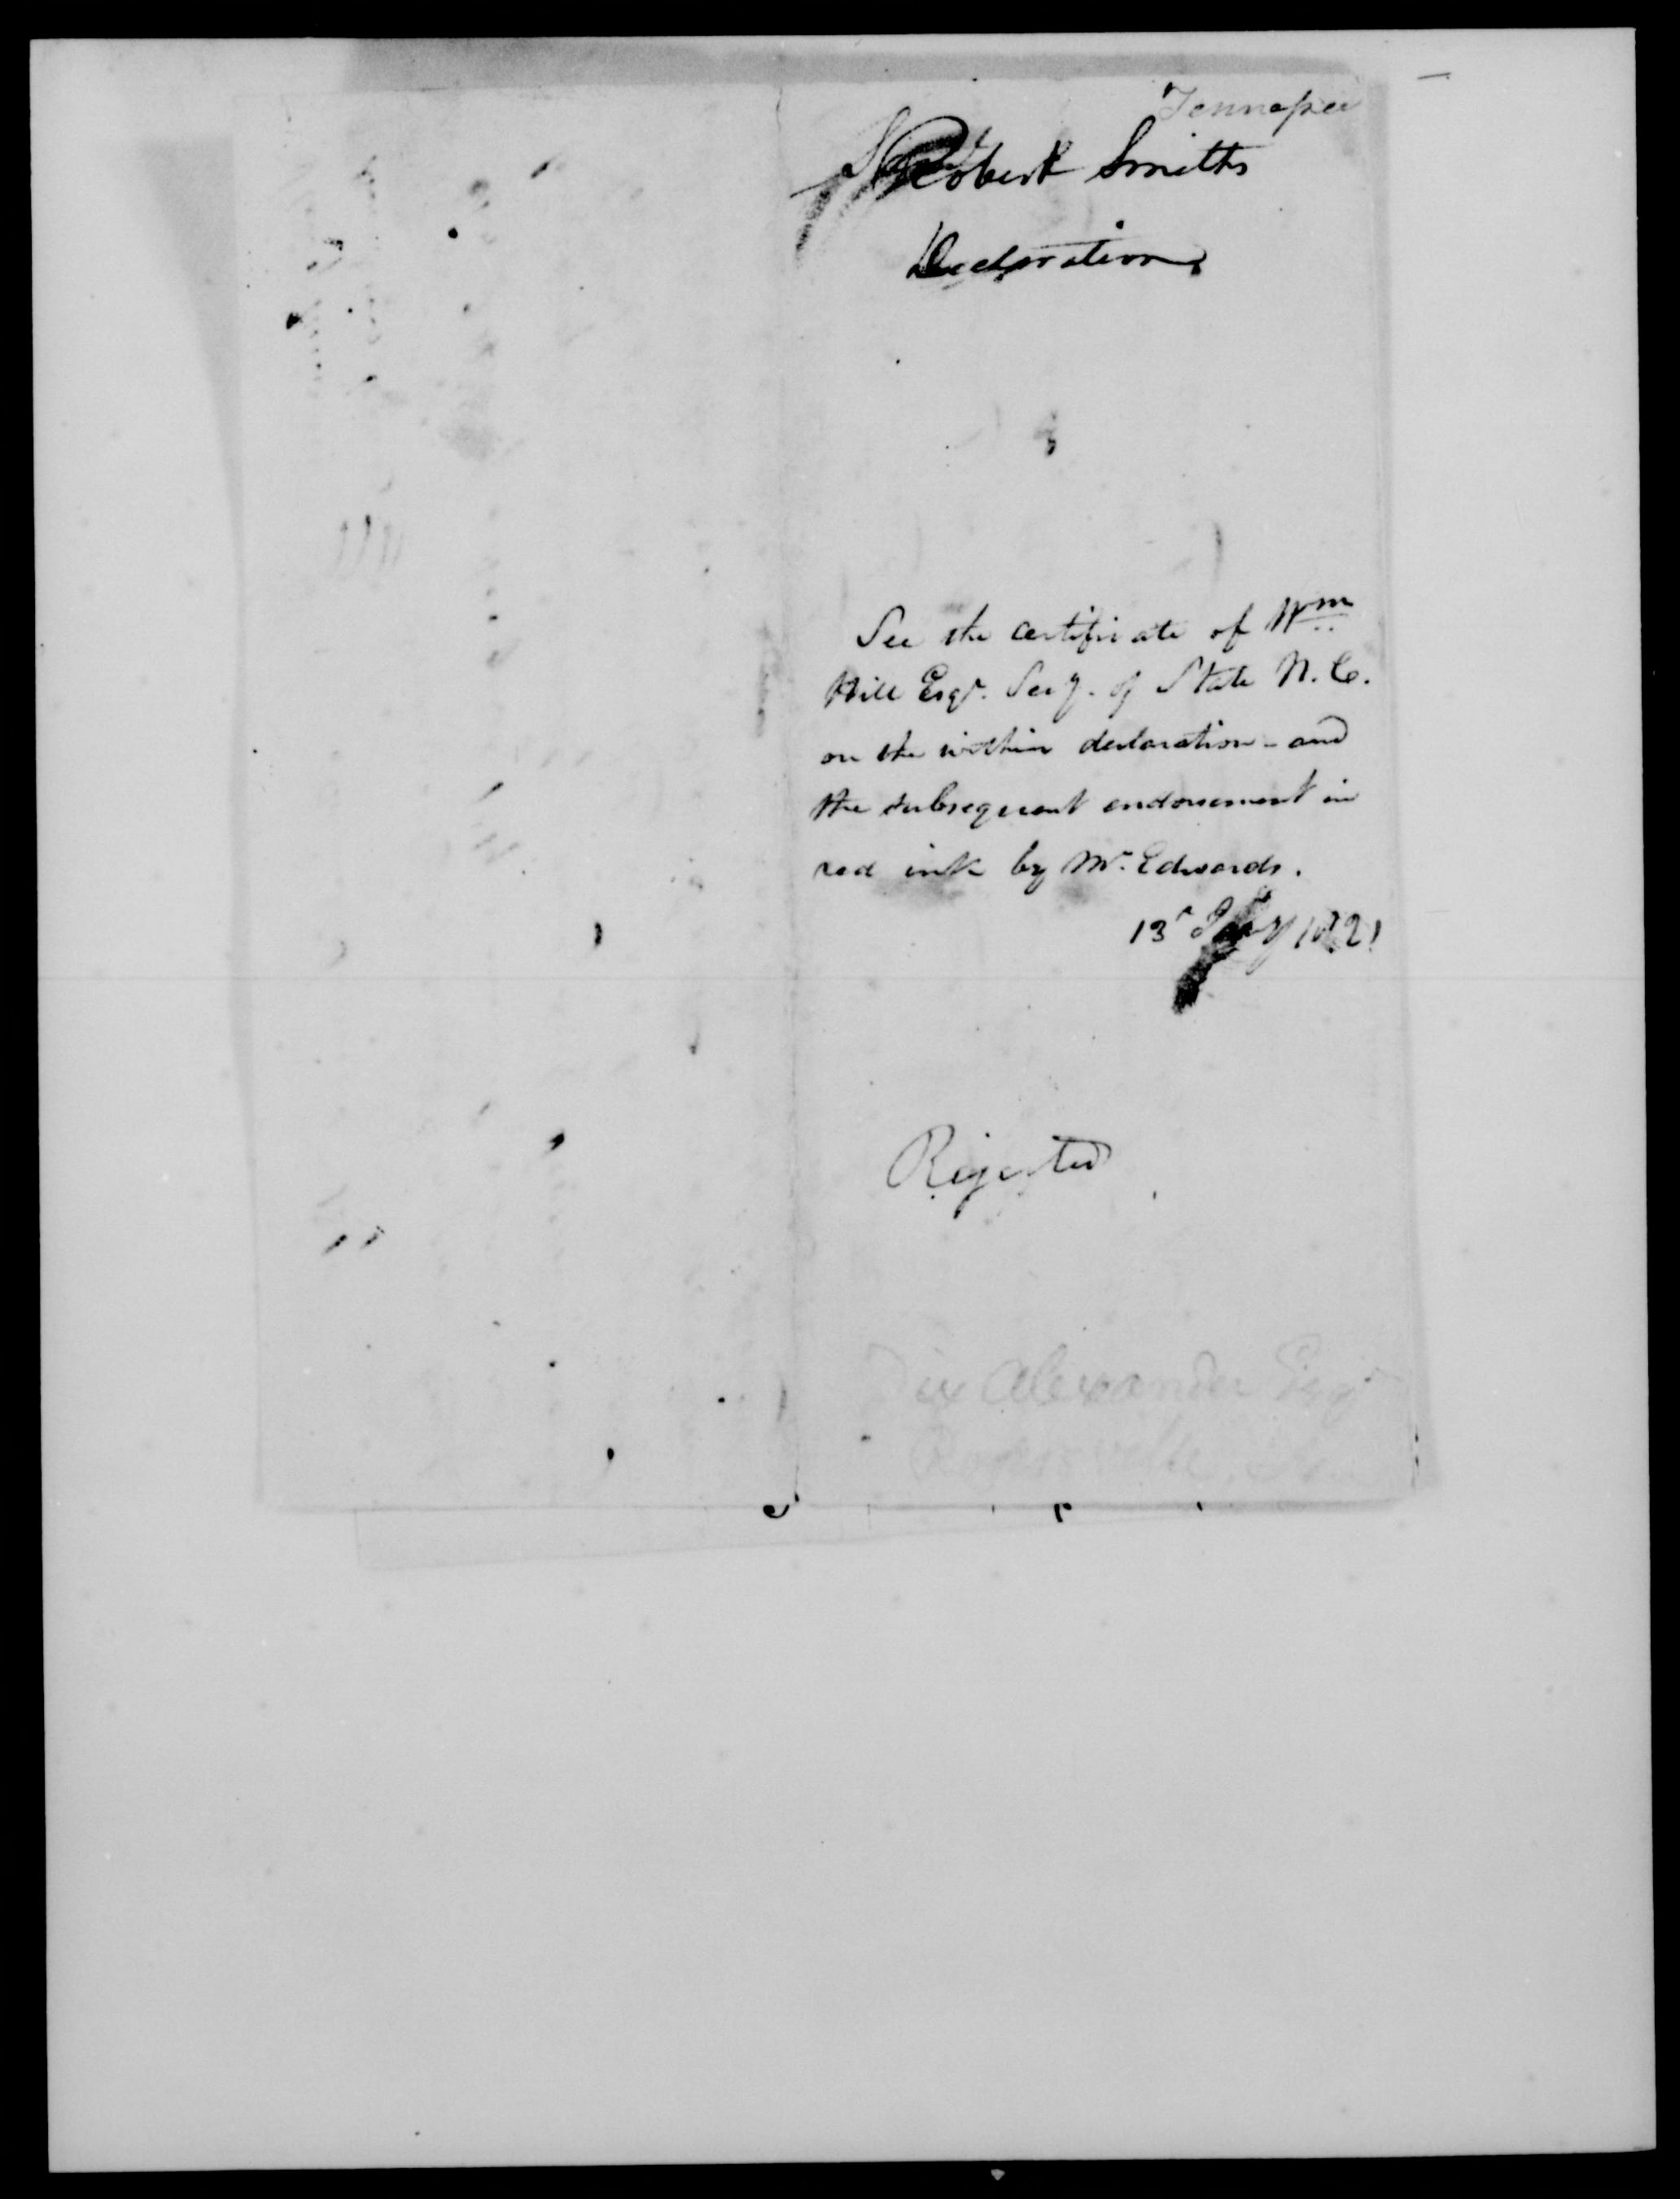Tennessee
Robert Smith
Declaration

See the certificate of Wm
Hill Esq Secy of State N.C.
on the within declaration_ and
the subsequent endorsement in
red in by Mr Edwards
13th Jany 1?21

Rejected

Dix Alexander Esq
[illegible]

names: [BLANK] Edwards; Robert Smith; Wm Hill; Dix Alexander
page: 29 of 79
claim: widow's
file: W. 1504, for Robert Smith, North Carolina